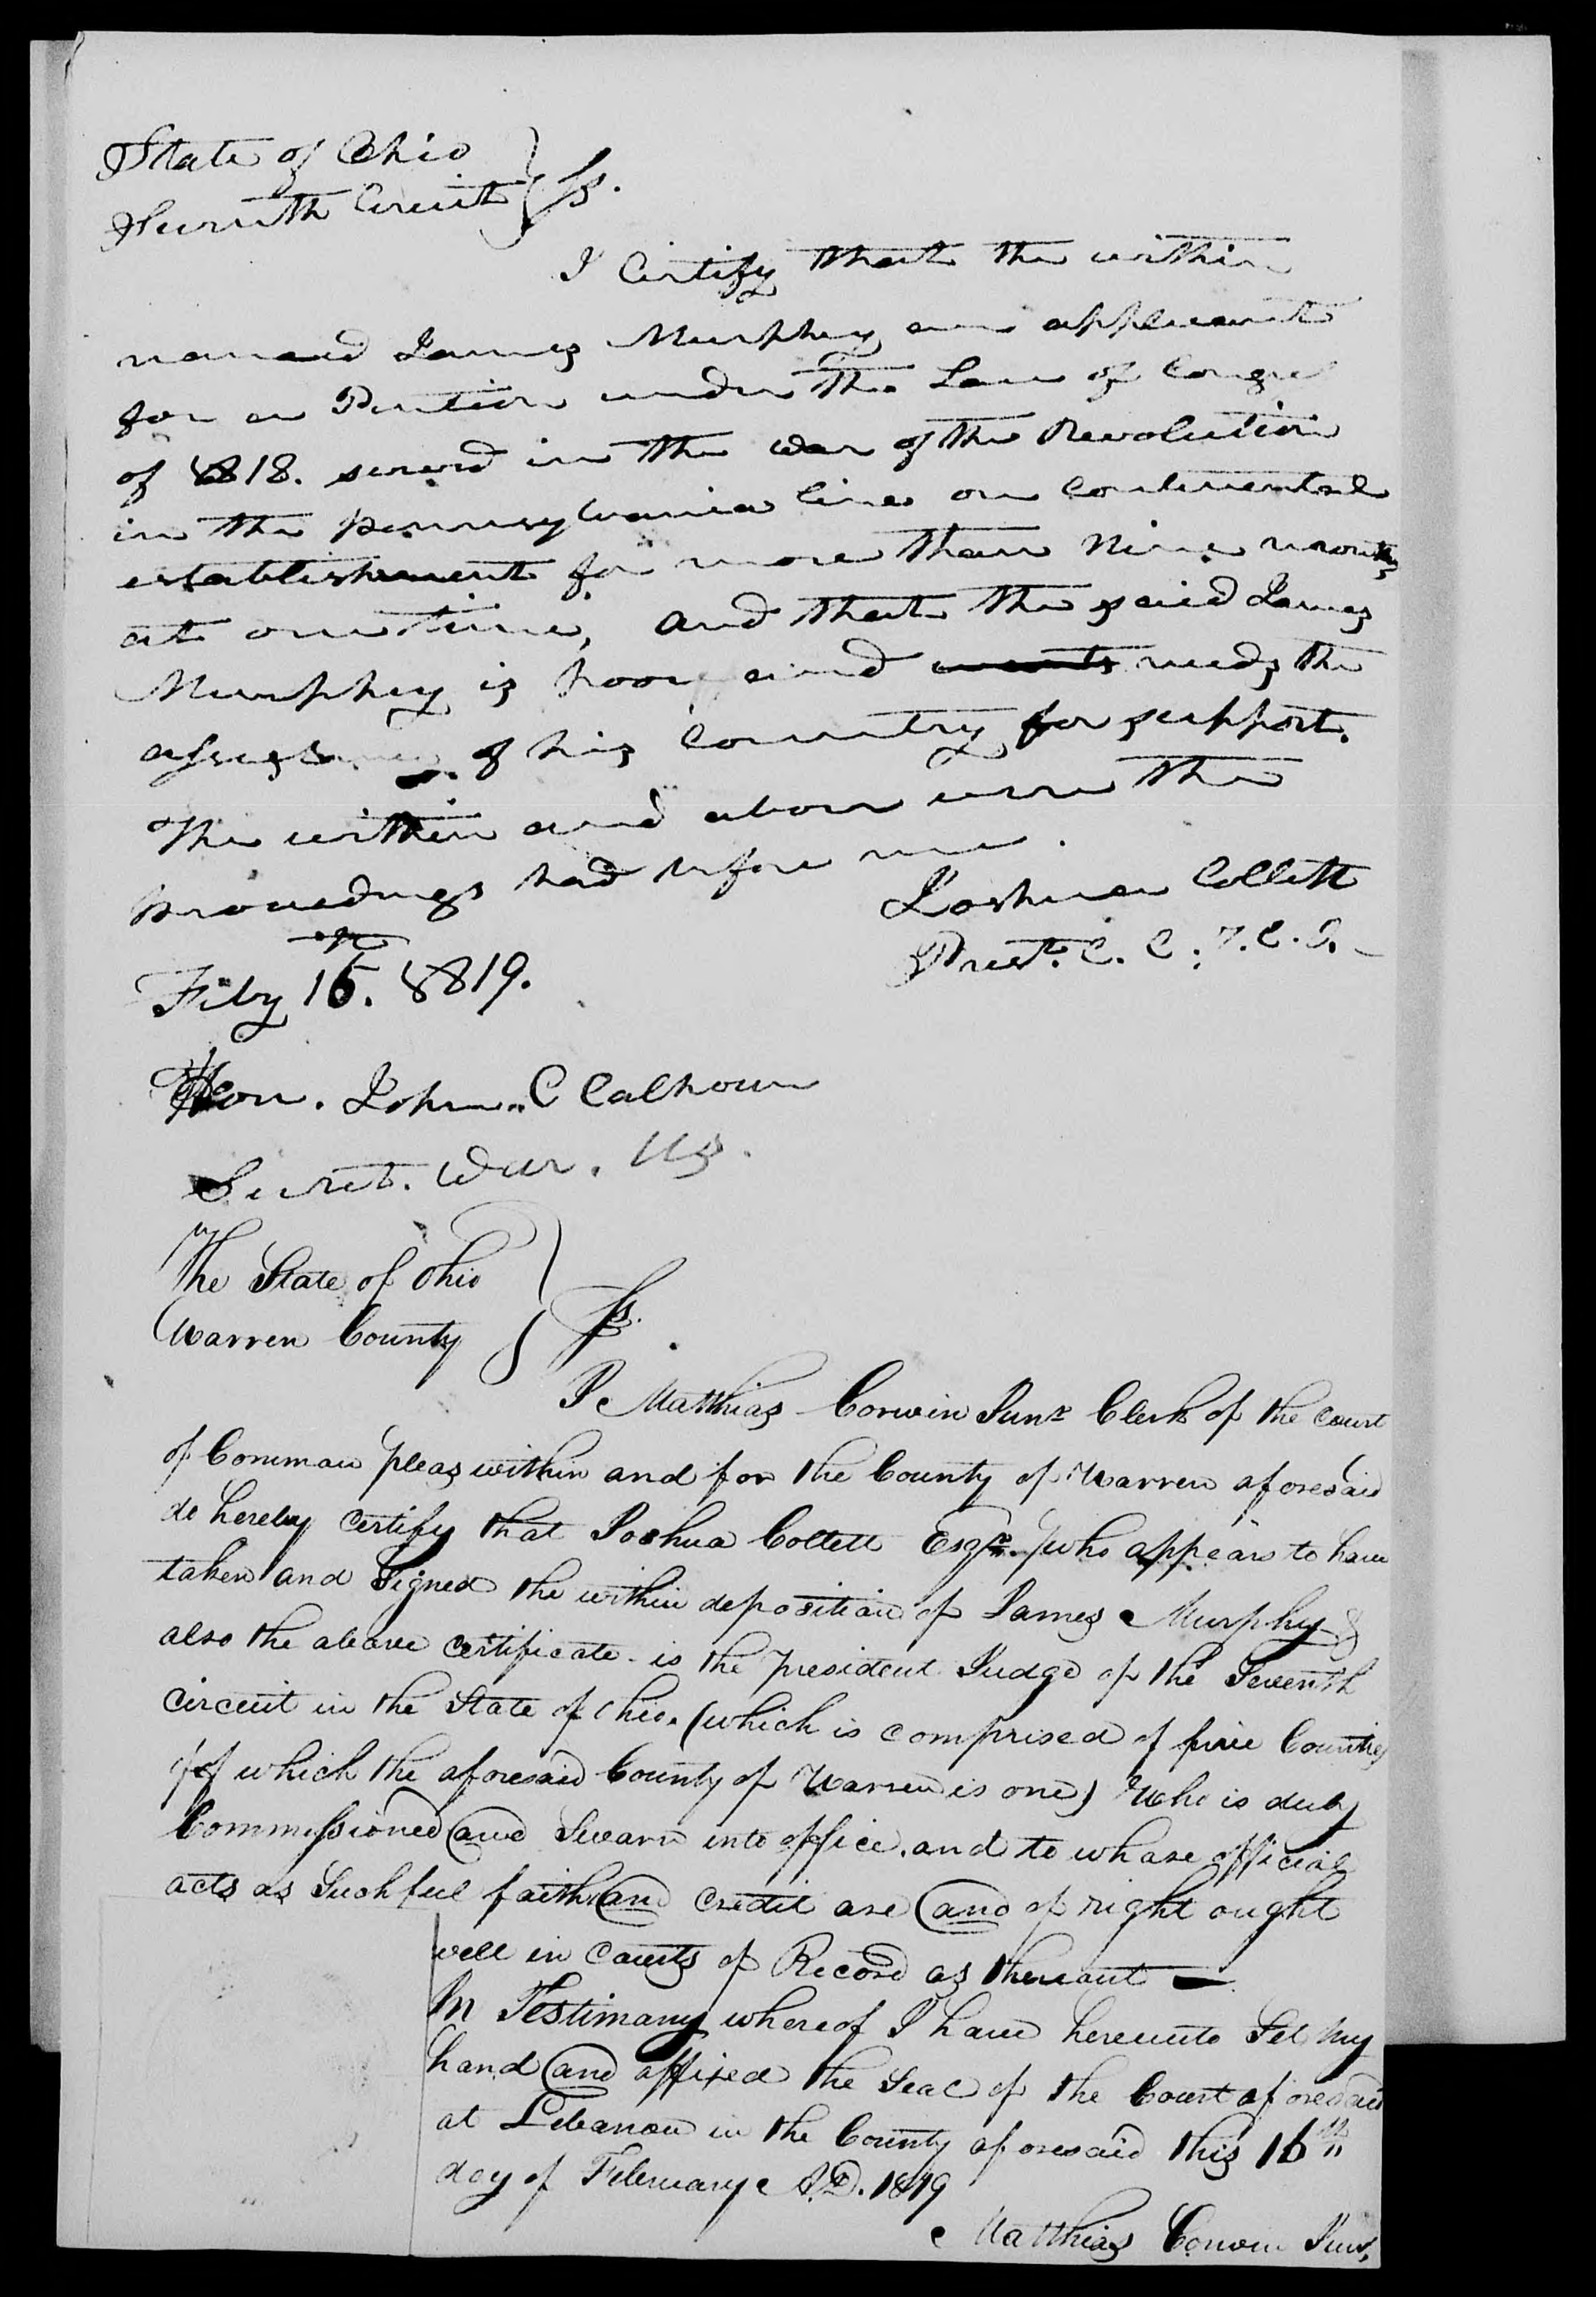State of Ohio
Seventh Circuit  SS

I certify that the within
named James Murphey an applicant
for a pention under the Law of Congress
of 1818. served in the war of the Revolution

in the Pennsylvania line on continental
establishment for more than nine months
at one time, and that the said James
Humphey is poor and needs the
assistance of his country for support.
The within and above are the
proceedings had before me

Feby 15. 1819
Joshua Collett /s/
Prest. C.C.C.  7.C.J.

Hon. John C Calhoun
Secret War. US.


The State of Ohio
Warren County   SS

I Matthias Corwin Junr Clerk of the Court
of Common pleas within and for the County of Warren aforesaid
do hereby certify that Joshua Collett Esqr who appears to have
taken and signed the within deposition of James Murphy &
also the above certificate is the president Judge of the Seventh
circuit in the State of Ohio, (which is comprised of pirce County
off which the aforesaid County of Warren is one), who is duly
Commissioned and sworn into office and to whose official
acts as such full faith and credit are and of right ought
well in Courts of Record as thereout.
In Testimony whereof I have hereunto set my
hand and affixed the Seal of the Court aforesaid
at Lebanon in the County aforesaid this 16th
day of February A.D. 1819
Matthias Corwin Junr. /s/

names: John C Calhoun; Joshua Collett; Mathias Corwin; James Murphey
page: 11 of 57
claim: widow's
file: W. 25,739, for James Murphey, Pennsylvania